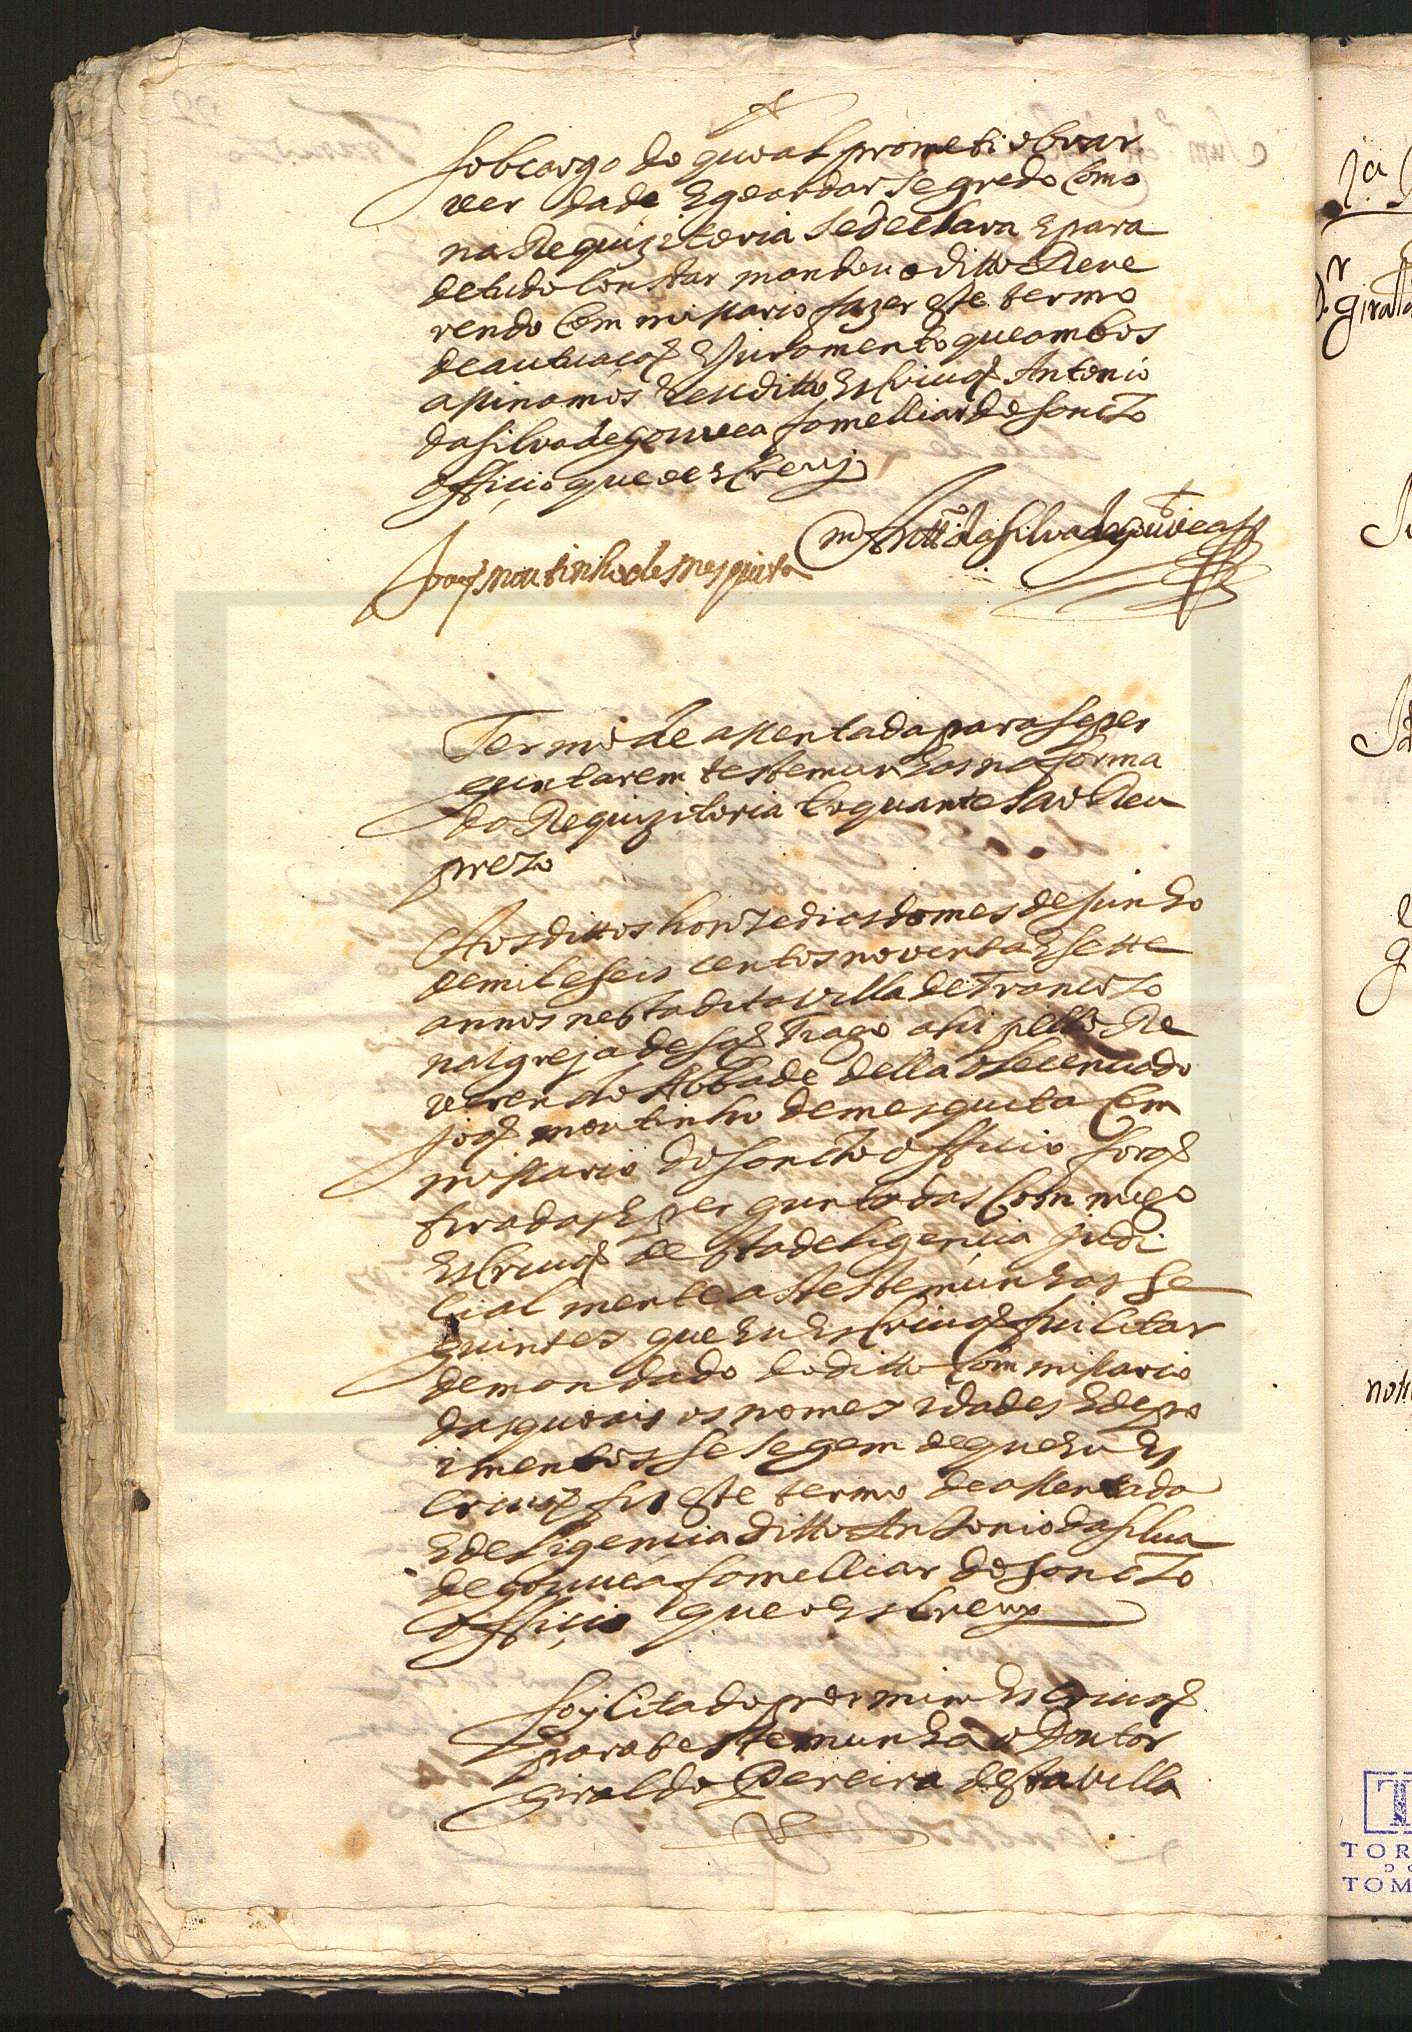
sob cargo do quoal prometi obrar
verdade E goardar segredo Como
na Requizitoria se declara E para
de tudo Constar mandou o ditto Reve
rendo Commissario fazer este termo
de autuaçaõ E juramento que ambos
assinamos E eu ditto EsCriuaõ Antonio
da Silva de Gouuea fomelliar do sancto
Offiçio que o esCreuj
Termo de assentada para se per
guntarem testemunhas na forma
da Requizitoria toquantes ao Reo
prezo
Aos dittos honze dias do mes de Junho
de mil e seiscentos noventa E sette
annos nesta dita villa de Trancoso
na igreja de saõ Tiago ahi pello Re
verendo Abbade della o Lecenciado
Joaõ moutinho de mesquita Com
missario do sancto officio foraõ
tiradas E perguntadas Commigo
EsCreuaõ desta deligençia judi
Cialmente as testemunhas se
guintes que Eu EsCriuaõ fui citar
de mandado do ditto Commissario
das quoais os nomes idades E depo
imentos se segem de que Eu Es
criuaõ fis este termo de assentada
E deligençia ditto Antonio da silua
de gouuea fomelliar do sancto
offiçio que o EsCreuy
foy Citado por mim Escriuaõ
para testemunha o Doutor
giraldo Pereira desta villa
